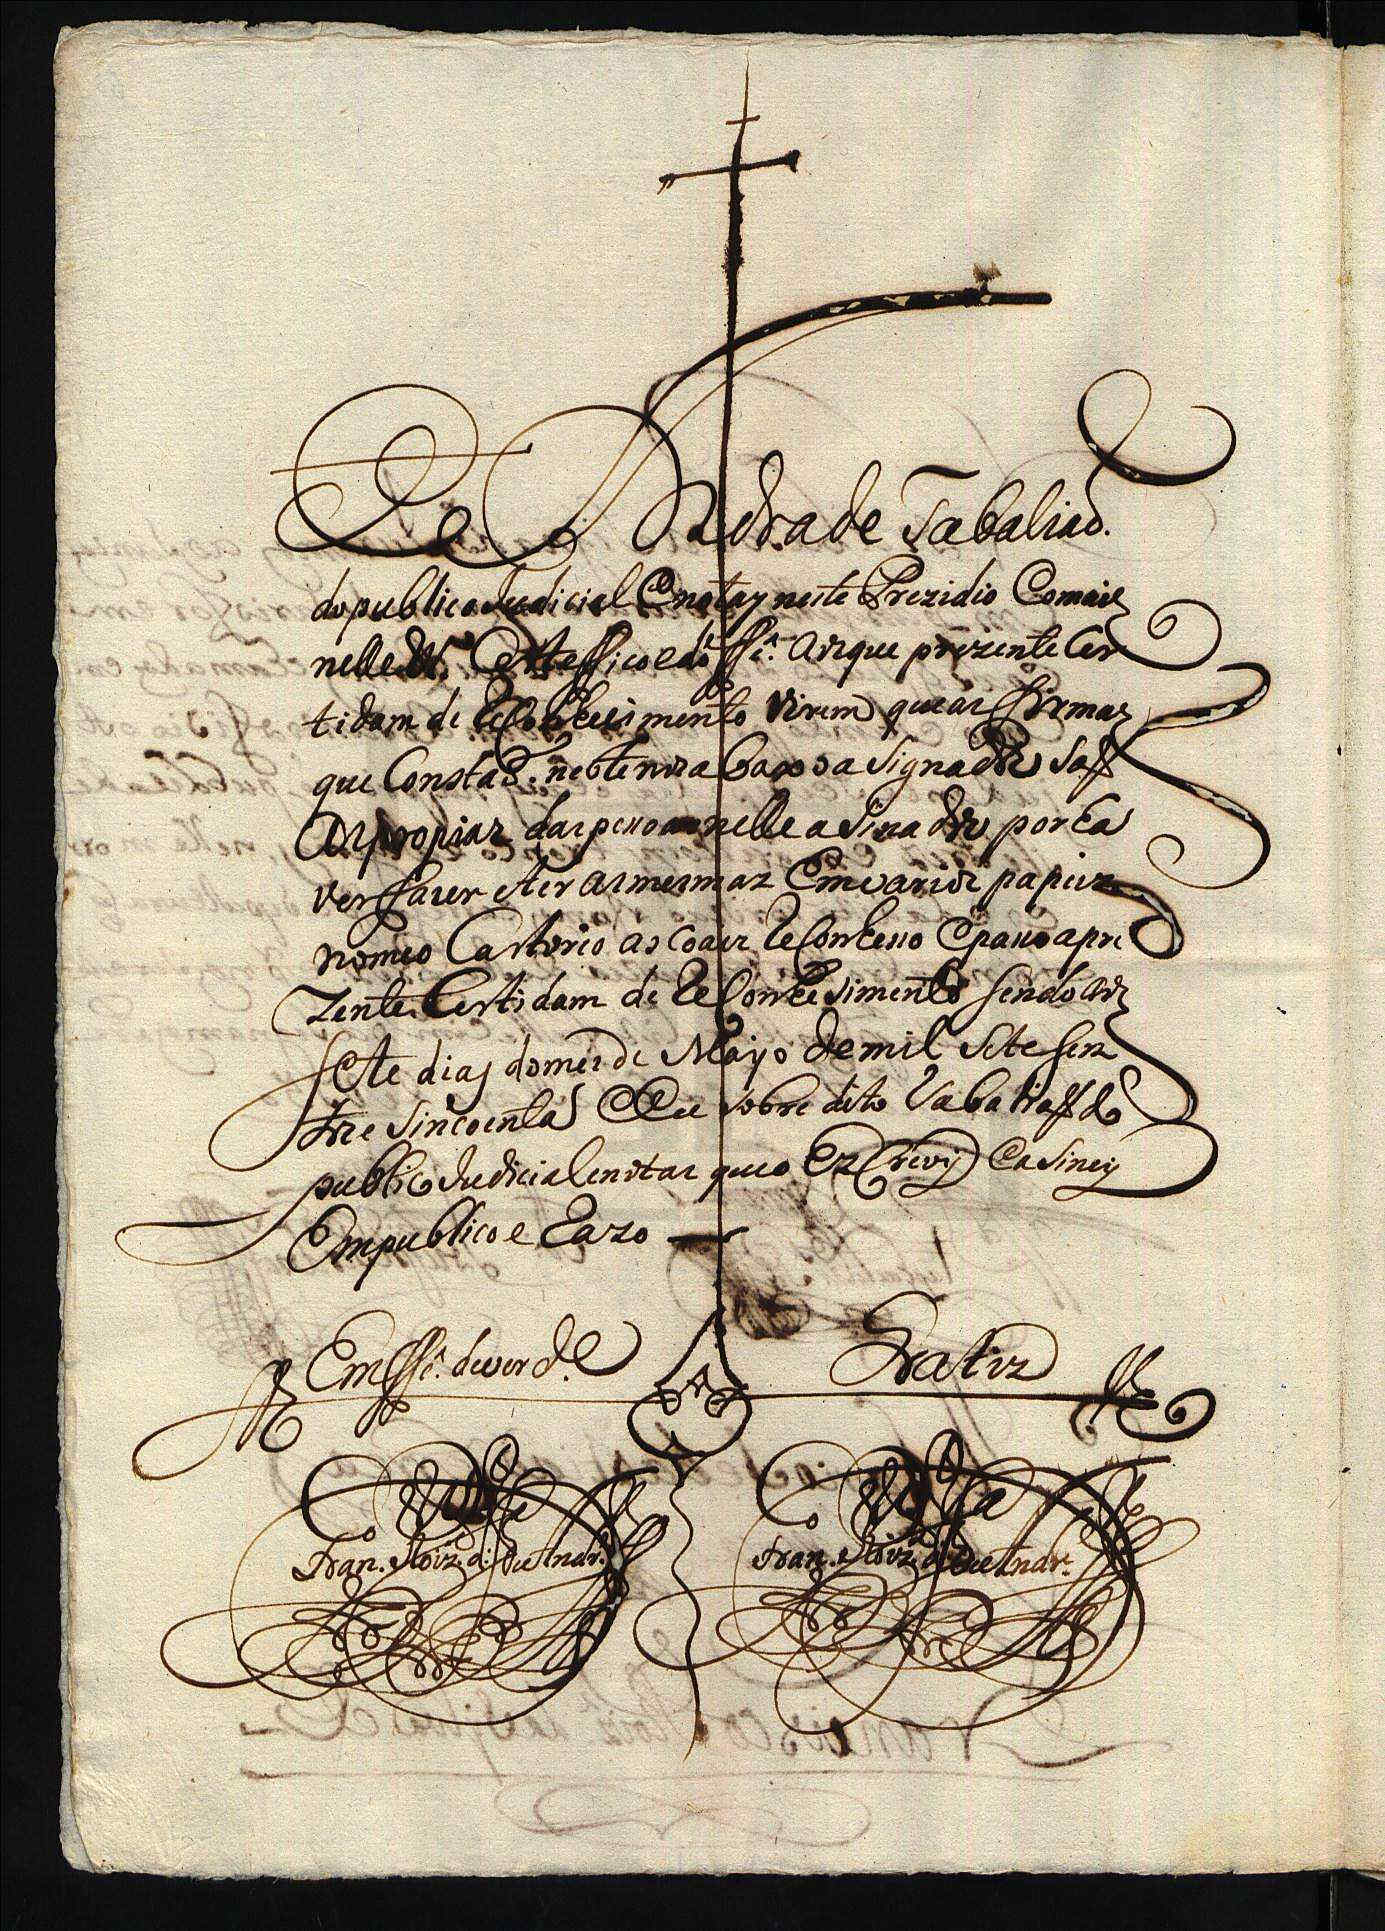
Andrade Tabaliaõ.
do publico Iudicial E notas neste Prezidio E o mais
nelle &.a Certeffico e dô fê aos que prezente cer
tidam de Reconhecimento virem que as firmas
que Constaõ neste noso baxo asignado saõ
As propiaz das pessoas nelle asinados por ha
ver fazer e ter as mesmaz Em varioz papeiz
no meo Cartorio as coaiz ReConhesso E passo a pre
Zente Certidam de ReConhesimento sendo aoz
sete dias do mes de Mayo de mil Setesen
toz e sincoenta E Eu sobredito Tabaliaõ do
publico Iudicial e notas que o EzCrevy E asiney
Em publico e Razo
Em ffê. de verd.e
Gratiz
Fran.Co Roiz. d̄ Andr.e
Fran.Co Roiz̄ d̄ Andr.e
